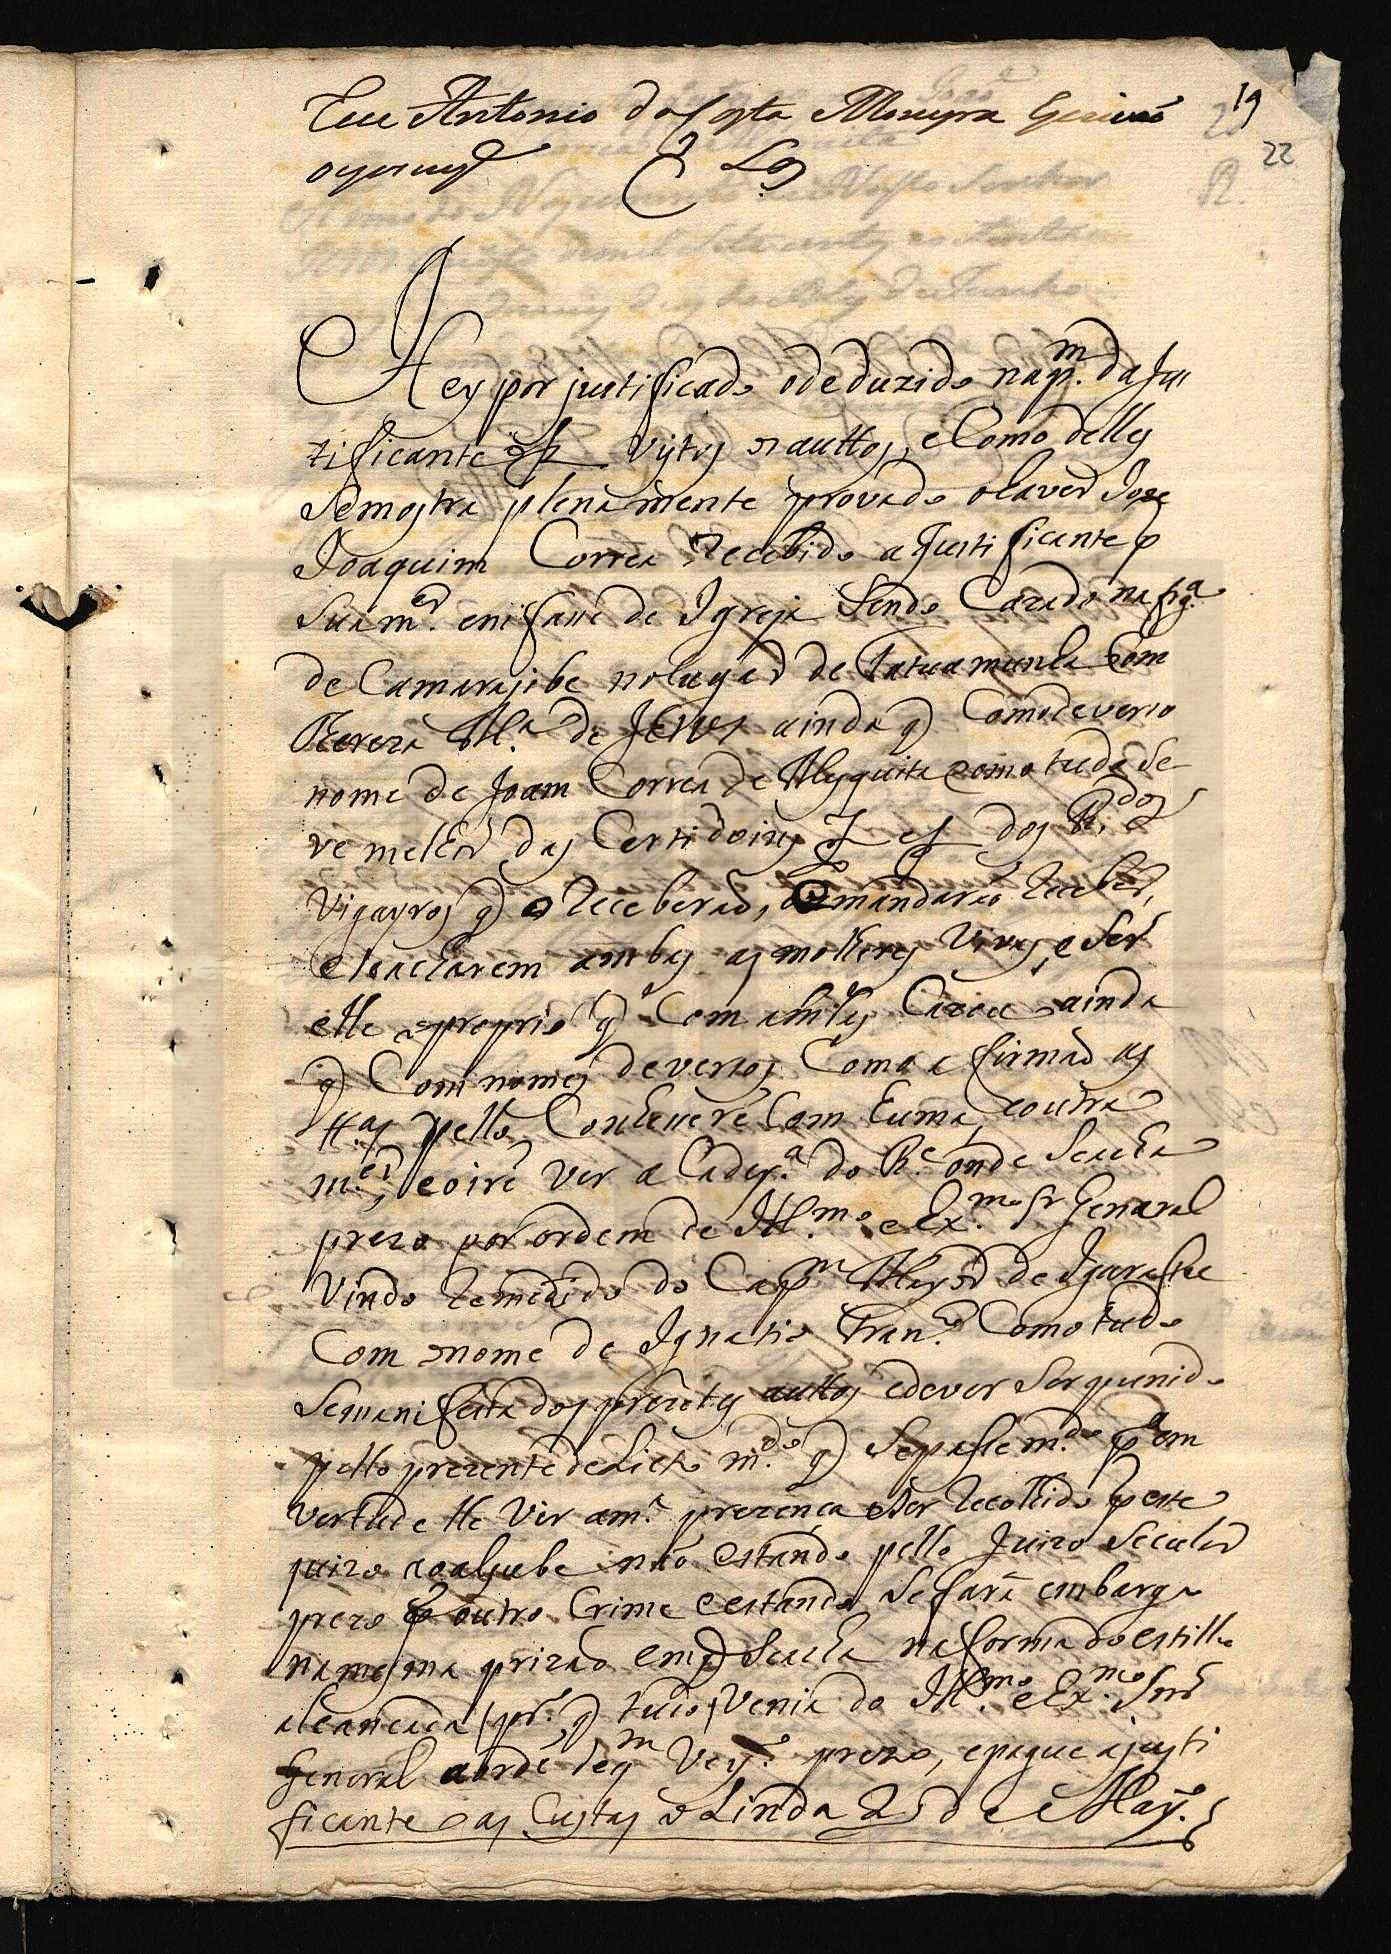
19
E eu Antonio da Costa Moreyra Gauuaõ
o escreuj
CL.os
Hey por justificado o deduzido na p.m da Jus
tificante a ̄ vistos os auttos e Como delles
Se mostra plenamente provado o haver Ioze
Ioaquim Correa Recebido a Justificante p̄
sua mer. em fasse de Igreja sendo Cazado na frg.a
de Camaragibe no lugar de Tatuamunha Com
Thereza M.a de JEsVs ainda q̄ Com o deverso
nome de Joam Correa de Mesquita como tudo se
ve melhor das Certidoins f̄ e f̄ dos R.dos
Vigayros q̄ o Receberaõ, E mandaraõ Receber,
e se acharem ambas as molheres vivas, e ser
elle o proprio q̄ Com ambas Cazou ainda
q̄ Com nomes deversos, Como afirmaõ as
tt.as pello Conhesserē Com huma, e outra
m.er, e o irē ver a Cadey.a do R.e onde se acha
prezo por ordem de Ill.mo e Ex.mo S.r Genaral
Vindo Remetido do Cap.m Mayor de Igarassu
Com o nome de Ignasio Fran.co Como tudo
Se manifesta dos prezētes auttos e dever Ser punido
pello prezente deLicto m.do q̄ se passe m.do p.a em
vertude lhe vir a m.a prezença e ser Recolhido p̄ este
juizo ao aljube naõ estando pello Juizo secular
prezo p̄ outro Crime e estando se fará embargo
na mesma prizaõ em q̄ se acha na forma do estillo
alcançada (pr̄. q̄ tudo) venia do Ill.mo e Ex.mo Snr̄
General a ordē de q.m Vey.o prezo, e pague a justi
ficante as Custas oLinda 2 de May.o
